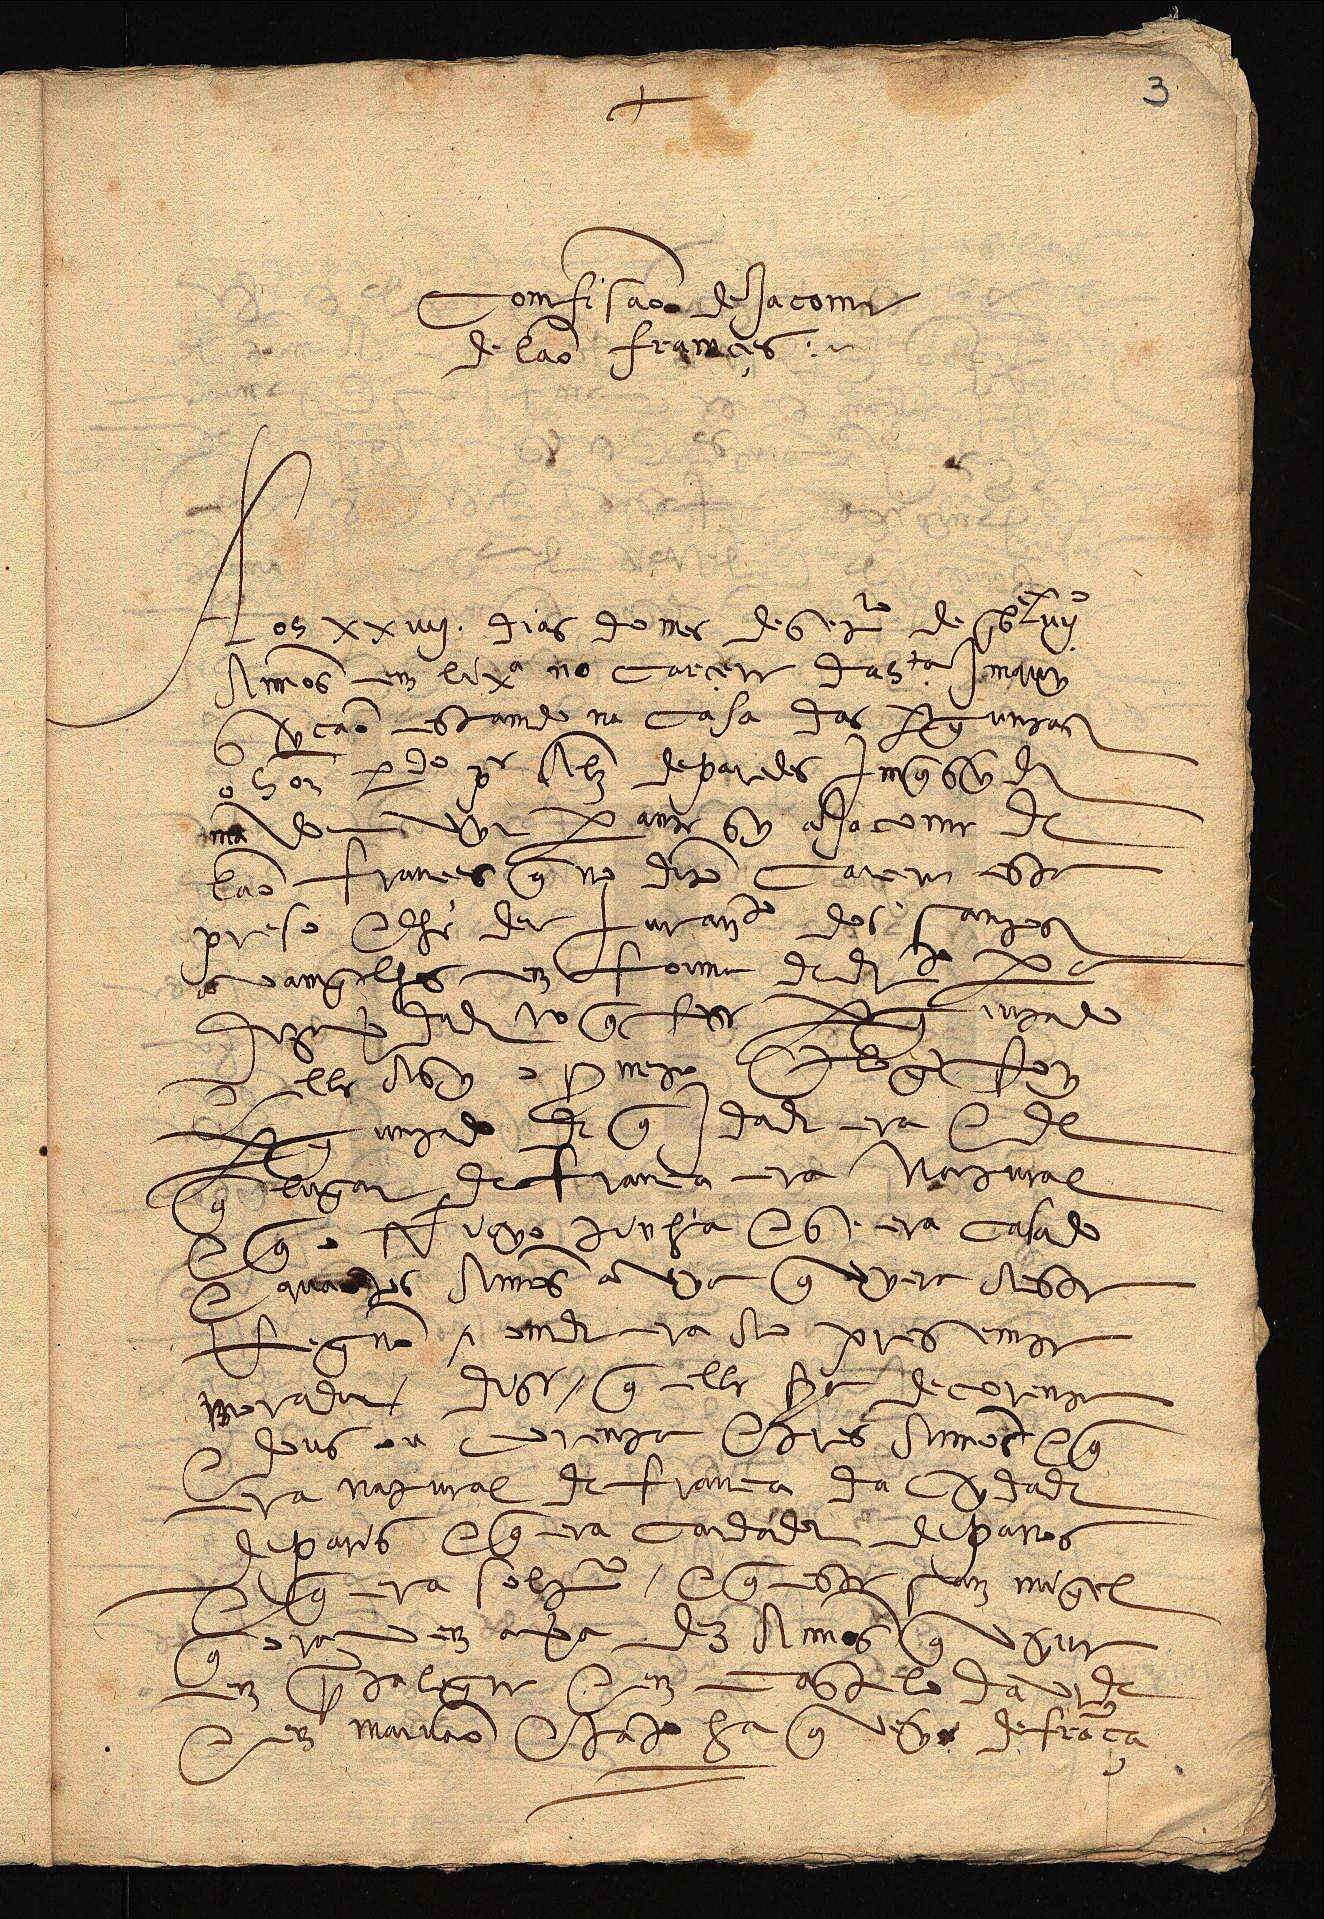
Comfisāo de Jacome
delão framçes.
Aos xxiiij. dias do mes de setro de jbc liiijo
Ann̄os em lixa no carçere da sta Jmquy
sycaõ estamdo na casa das ꝑguntas
o Sōr Ldo pe Ālz de paredes Jmq̄sydor
mādou vyr ꝑante sy a Jacome de
lão framçes q̄ no dito Carçere esta
preso e lhe deu Juramto dos santos
evamgelhos em forma de drto ꝑa
dizer ꝟdade no q̄ fose ꝑguntado
e elle Asy o ꝓmeteo E logo foy
ꝑguntado de q̄ Jdade era e de
q̄ lugar de frança era natural
e q̄ officyo tinha e se era casado
e quantos Ann̄os avya q̄ vyera A este
Regno e omde era Ao presemte
morador / dise / q̄ elle hera de corenta
e dous ou corenta e tres Annōs e q̄
era natural de frança da Cydade
de paris e q̄ era cardador de panos
e q̄ era soltro / e q̄ este sam migel
q̄ ora vem aꝟa dez Annos q̄ vyue
em p̄otalegre e em Castelo da vida
e em maruão e tāto ha q̄ vey_ de frāça
